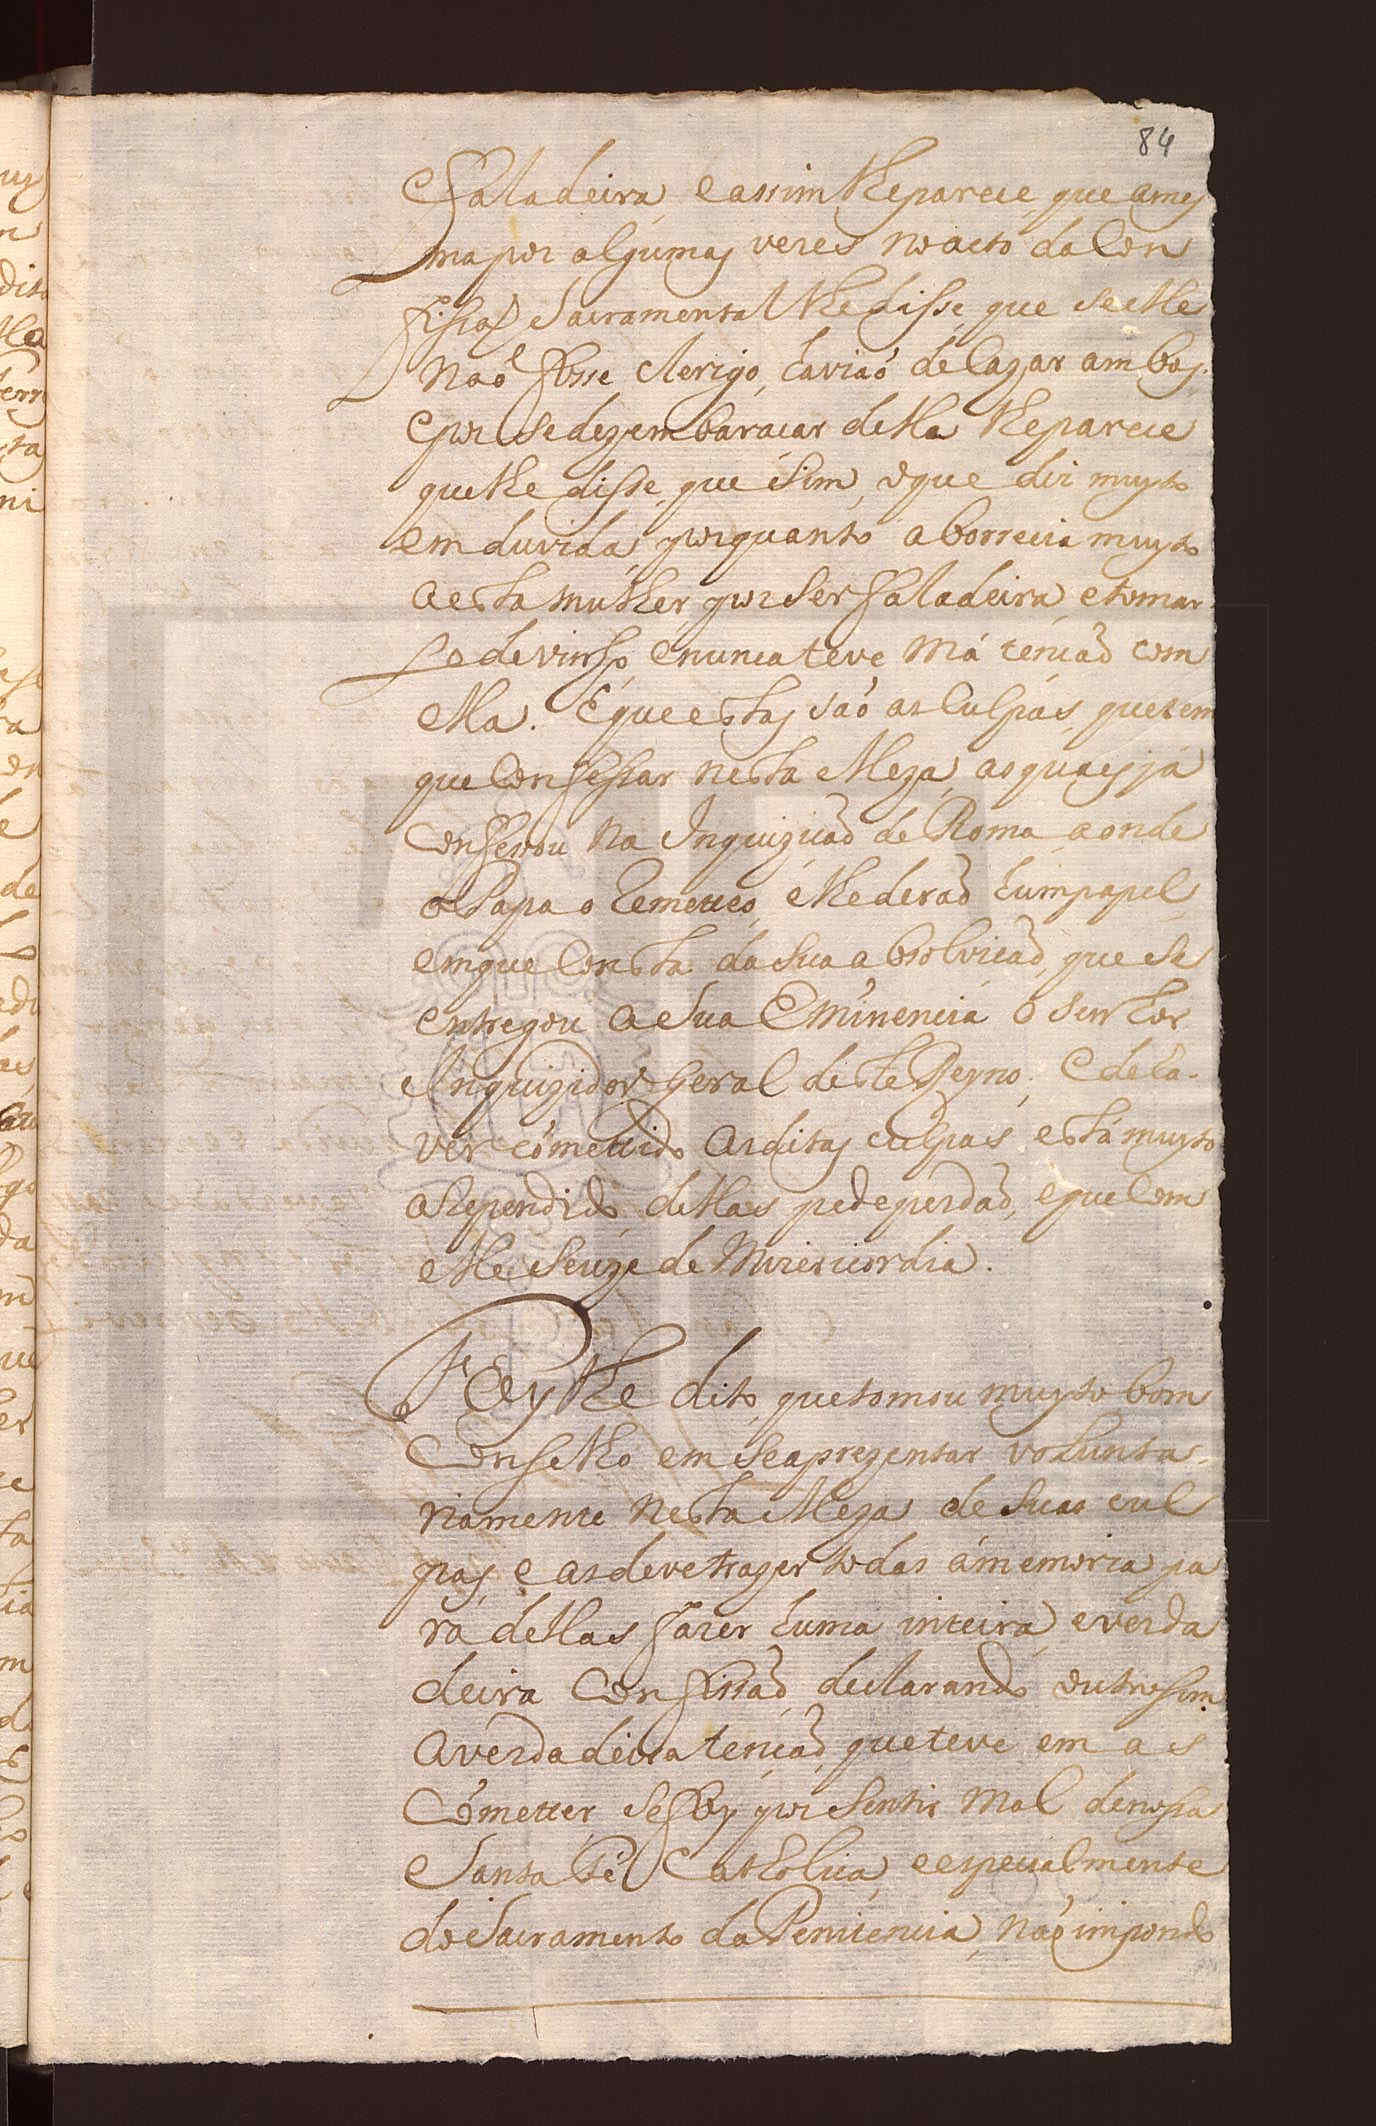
e faladeira, e assim lhe parece, que a mes
ma por algumas vezes no acto da Con
fissaõ Sacramental lhe disse, que se elle
naõ fosse clerigo, haviaõ de Cazar ambos
e por se dezembaraçar della lhe parece
que lhe disse, que sim, o que diz muyto
em duvida, porquanto aborrecia muyto
a esta mulher, por ser faladeira, e tomar
se de vinho, e nunca teve má tençaõ com
ella. E que estas saõ as culpas que tem
que confessar nesta Meza, as quaes ja
confessou na Inquiziçaõ de Roma, aonde
o Papa o Remetteo, e lhe deraõ hum papel,
em que consta da sua absolviçaõ, que Se
entregou a Sua Emīnencia o senhor
Inquizidor Geral deste Reyno; E dela
ver cōmettido as ditas culpas está muyto
arependido, dellas pede perdaõ, e que com
elle Se uze de Mizericordia.
Foy lhe dito, que tomou muyto bom
conselho em se aprezentar volunta
riamente nesta Meza de suas cul
pas, e as deve trazer todas á memoria pa
ra dellas fazer huma inteira, e verda
deira confissaõ, declarando outrosim
a verdadeira tençaõ, que teve em as
cōmetter se foy por sentir mal de nossa
Santa Fé Catholica, e especialmente
do Sacramento da Penitencia, naõ impondo
